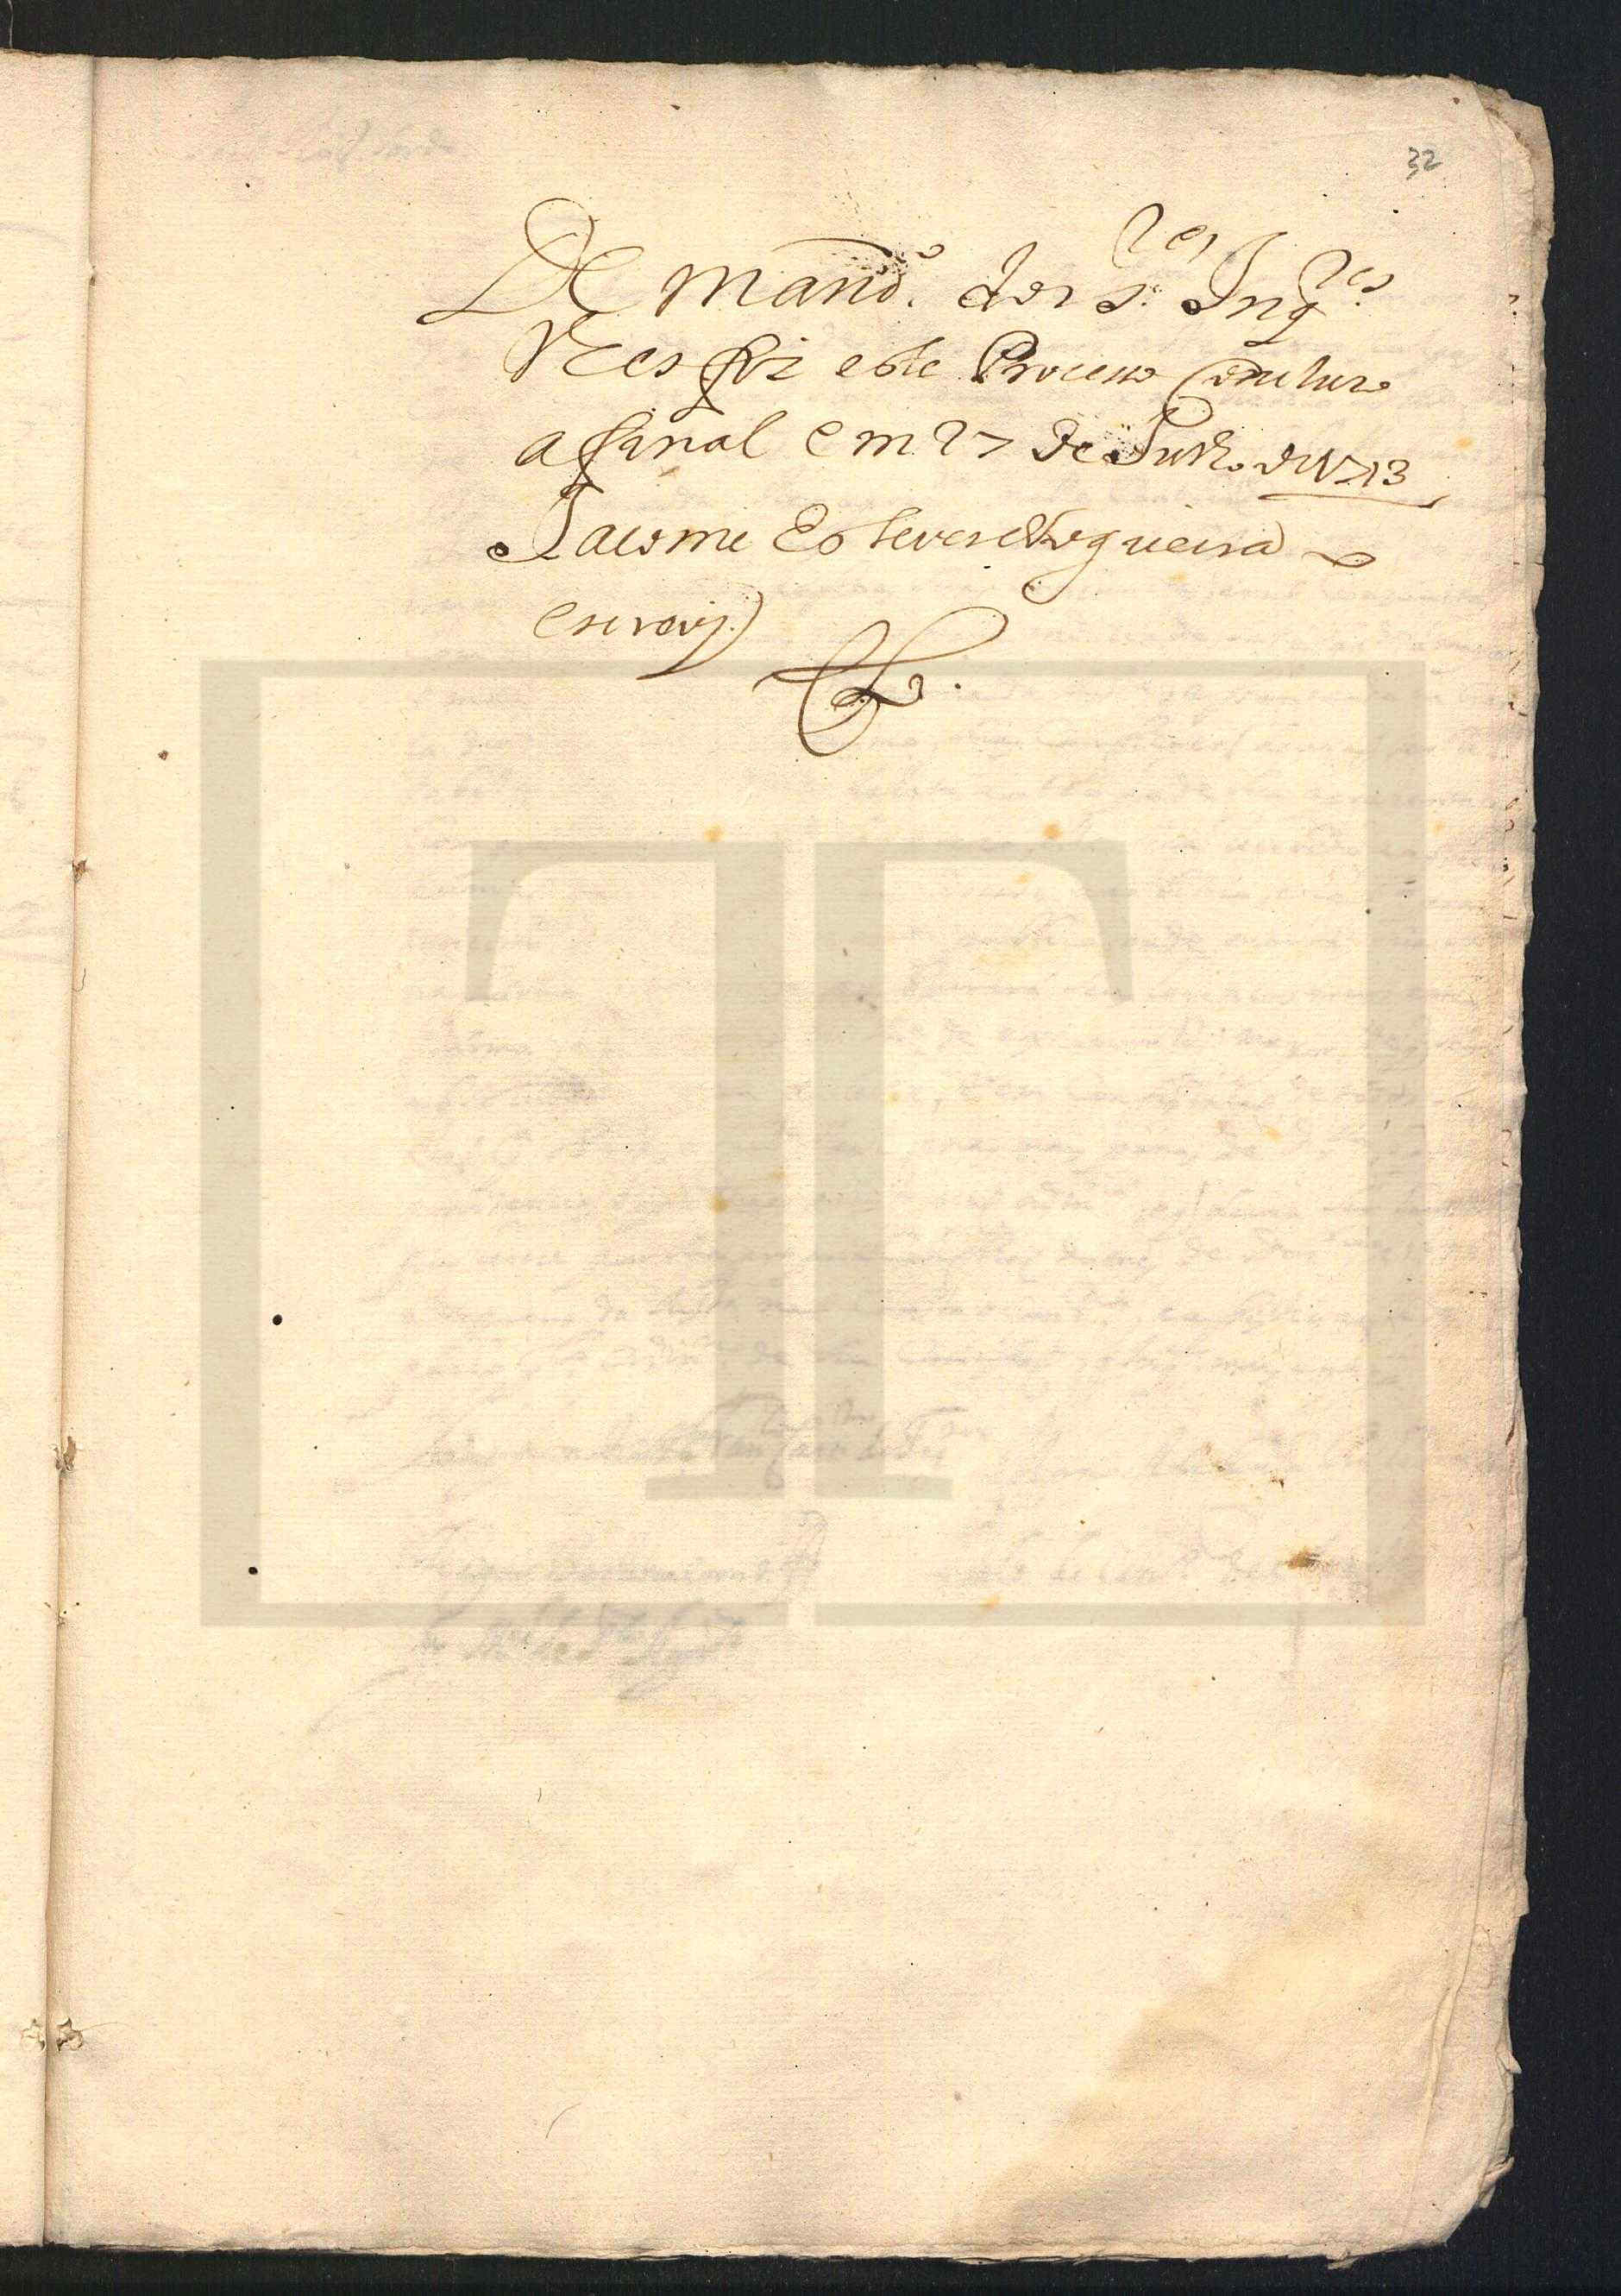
De mand.o dos s.res Inq.res
lhes fiz este Processo Concluzo
afinal em 27 de Iulho de 1713
Iacome Esteves Nogueira o
escrevj
CL.o
